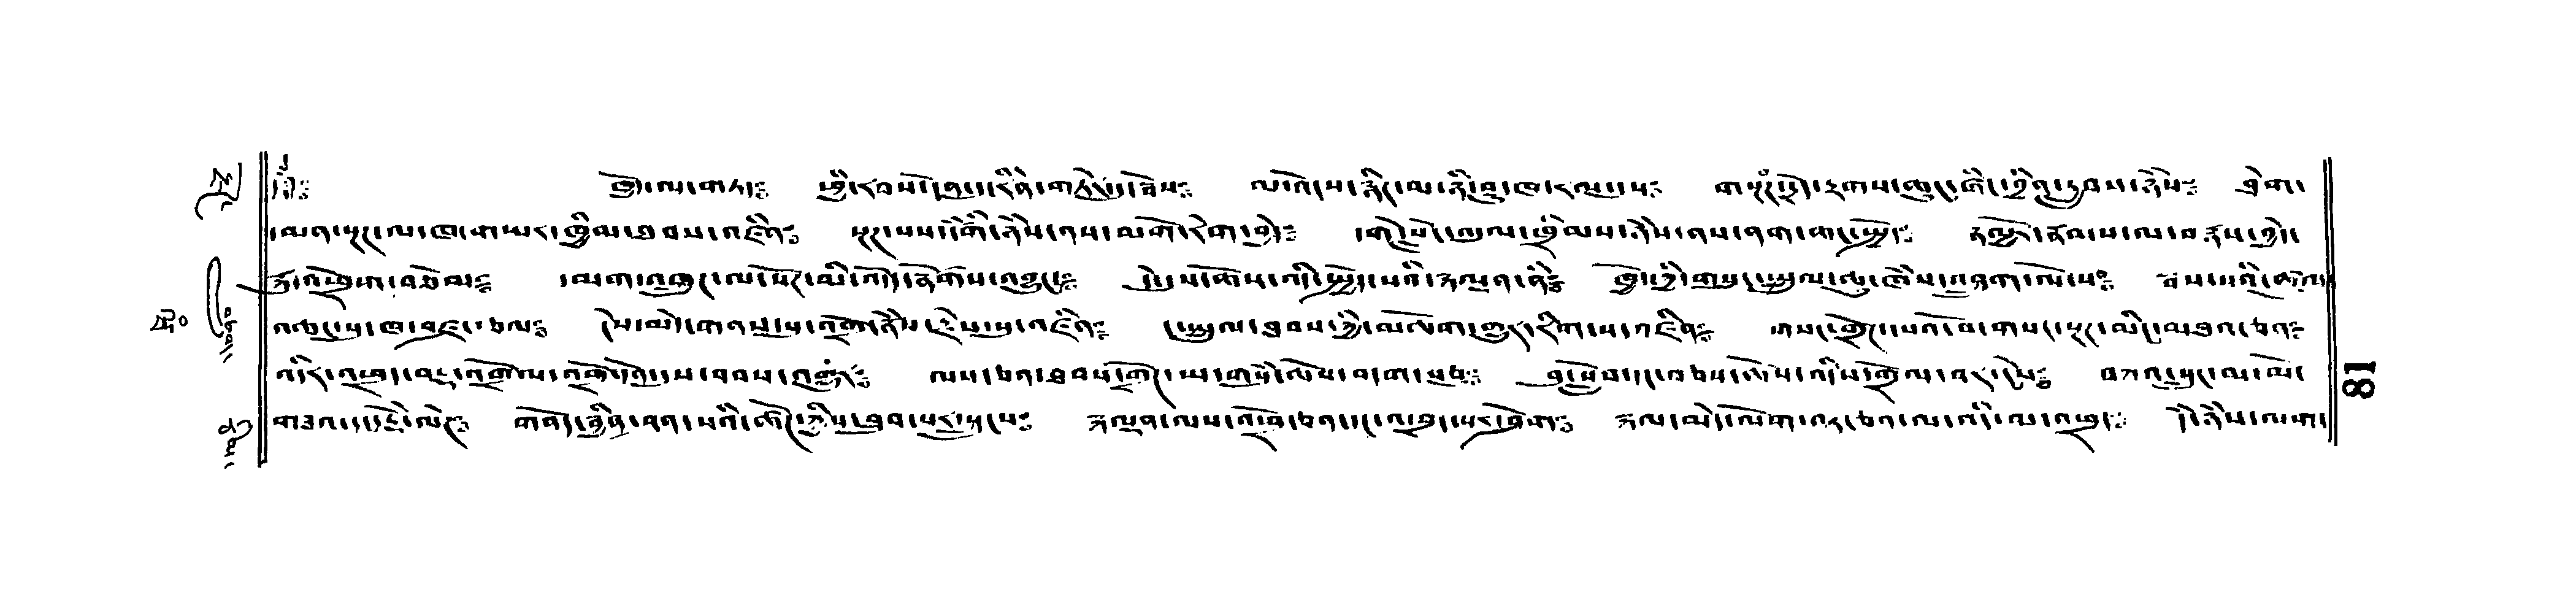ཁྱོད་ལ་གཏད༔ ཕྱི་རབས་དོན་དུ་རིན་ཆེན་གཏེར་དུ་སྦོས༔ མ་འོངས་སྙིགས་མ་ཉི་ཤུ་ཁ་རལ་དུས༔ གསང་སྔགས་དྲོད་རྟགས་ཆུང་ཞིང་བྱིན་རླབས་ཉམས༔ ཐེག་
དམན་སྔགས་ལ་ཁ་གཡར་ཁྱིམ་ཐབས་འཛིན༔ སྔགས་པས་དམ་ཚིག་ཉམས་ནས་མགོ་རེག་བྱེད༔ དགེ་སློང་འདུལ་ཁྲིམས་ཉམས་ནས་ནག་ཆང་སྤྱོད༔ རྣལ་འབྱོར་རྣམས་ལ་བརྙས་བྱེད་
རྐུ་འཕྲོག་བཅོམ༔ དམག་འཁྲུག་ལ་སོགས་མི་འདོད་སྣ་ཚོགས་འབྱུང༔ དེ་དུས་ཆོས་འདི་སྤྱོད་པའི་སྐལ་ལྡན་ནི༔ ཁྱོད་ཀྱི་གསུང་སྤྲུལ་ཆུ་ཁམས་འབྲུག་ལོ་པ༔ སྦས་པའི་ཚུལ་
འཆང་སུ་ཁ་བཛྲ་རྩལ༔ ངེས་མེད་གནས་སུ་འགྲོ་རྣམས་རྗེས་སུ་འཛིན༔ ང་སྤྲུལ་ཐབས་ཀྱི་མཆོག་གྱུར་རིག་པ་འཛིན༔ གསང་གྲོགས་དཔའ་བོ་གསང་སྔགས་མིང་མཐའ་ཅན༔ 
འདིར་ཕྲད་བརྡ་འགྲོལ་འགྲོ་དོན་དུས་བབས་འགྱུར༔ ལས་ཅན་ཐབས་གྲོགས་ཡ་གསུམ་ཆོས་བདག་བཅུ༔ བུ་སློབ་དང་བཅས་ཆོས་འདིས་གྲོལ་བར་ངེས༔ བཀའ་སྲུང་མ་མོ་
གཟའ་དང་རྡོ་རྗེ་ལེགས༔ གནོད་སྦྱིན་ཤན་པའི་ཚོགས་ཀྱིས་ཐུབ་པར་སྲུངས༔ སྐལ་ལྡན་ལས་འཕྲོ་ཅན་དང་འཕྲད་པར་ཤོག༔ སྐལ་མེད་ལོག་ལྟ་ཅན་ལ་འདི་མ་འཕྲད༔ དམ་ཉམས་ལག་